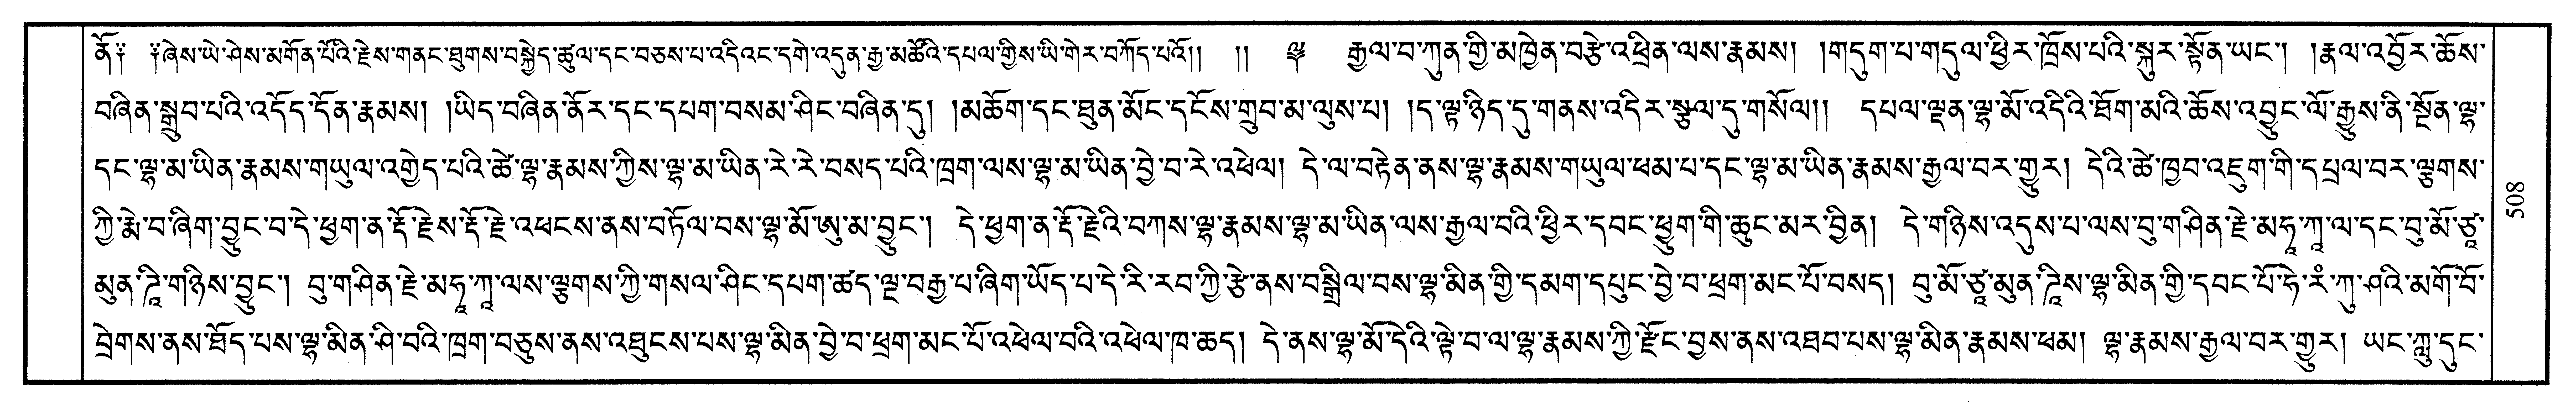ནོ༑ ༑ཞེས་ཡེ་ཤེས་མགོན་པོའི་རྗེས་གནང་ཐུགས་བསྐྱེད་ཚུལ་དང་བཅས་པ་འདིའང་དགེ་འདུན་རྒྱ་མཚོའི་དཔལ་གྱིས་ཡི་གེར་བཀོད་པའོ།། །། ༈ རྒྱལ་བ་ཀུན་གྱི་མཁྱེན་བརྩེ་འཕྲིན་ལས་རྣམས། །གདུག་པ་གདུལ་ཕྱིར་ཁྲོས་པའི་སྐུར་སྟོན་ཡང་། །རྣལ་འབྱོར་ཆོས་
བཞིན་སྒྲུབ་པའི་འདོད་དོན་རྣམས། །ཡིད་བཞིན་ནོར་དང་དཔག་བསམ་ཤིང་བཞིན་དུ། །མཆོག་དང་ཐུན་མོང་དངོས་གྲུབ་མ་ལུས་པ། །ད་ལྟ་ཉིད་དུ་གནས་འདིར་སྩལ་དུ་གསོལ།། དཔལ་ལྡན་ལྷ་མོ་འདིའི་ཐོག་མའི་ཆོས་འབྱུང་ལོ་རྒྱུས་ནི་སྔོན་ལྷ་
དང་ལྷ་མ་ཡིན་རྣམས་གཡུལ་འགྱེད་པའི་ཚེ་ལྷ་རྣམས་ཀྱིས་ལྷ་མ་ཡིན་རེ་རེ་བསད་པའི་ཁྲག་ལས་ལྷ་མ་ཡིན་བྱེ་བ་རེ་འཕེལ། དེ་ལ་བརྟེན་ནས་ལྷ་རྣམས་གཡུལ་ཕམ་པ་དང་ལྷ་མ་ཡིན་རྣམས་རྒྱལ་བར་གྱུར། དེའི་ཚེ་ཁྱབ་འཇུག་གི་དཔྲལ་བར་ལྕགས་
ཀྱི་རྨེ་བ་ཞིག་བྱུང་བ་དེ་ཕྱག་ན་རྡོ་རྗེས་རྡོ་རྗེ་འཕངས་ནས་བཏོལ་བས་ལྷ་མོ་ཨུ་མ་བྱུང་། དེ་ཕྱག་ན་རྡོ་རྗེའི་བཀས་ལྷ་རྣམས་ལྷ་མ་ཡིན་ལས་རྒྱལ་བའི་ཕྱིར་དབང་ཕྱུག་གི་ཆུང་མར་བྱིན། དེ་གཉིས་འདུས་པ་ལས་བུ་གཤིན་རྗེ་མཧཱ་ཀཱ་ལ་དང་བུ་མོ་ཙཱ་
མུན་ཌཱི་གཉིས་བྱུང་། བུ་གཤིན་རྗེ་མཧཱ་ཀཱ་ལས་ལྕགས་ཀྱི་གསལ་ཤིང་དཔག་ཚད་ལྔ་བརྒྱ་པ་ཞིག་ཡོད་པ་དེ་རི་རབ་ཀྱི་རྩེ་ནས་བསྒྲིལ་བས་ལྷ་མིན་གྱི་དམག་དཔུང་བྱེ་བ་ཕྲག་མང་པོ་བསད། བུ་མོ་ཙཱ་མུན་ཌཱིས་ལྷ་མིན་གྱི་དབང་པོ་ཧེ་རཾ་ཀུ་ཤའི་མགོ་བོ་
བྲེགས་ནས་ཐོད་པས་ལྷ་མིན་ཤི་བའི་ཁྲག་བཅུས་ནས་འཐུངས་པས་ལྷ་མིན་བྱེ་བ་ཕྲག་མང་པོ་འཕེལ་བའི་འཕེལ་ཁ་ཆད། དེ་ནས་ལྷ་མོ་དེའི་ལྟེ་བ་ལ་ལྷ་རྣམས་ཀྱི་རྫོང་བྱས་ནས་འཐབ་པས་ལྷ་མིན་རྣམས་ཕམ། ལྷ་རྣམས་རྒྱལ་བར་གྱུར། ཡང་ཀླུ་དུང་